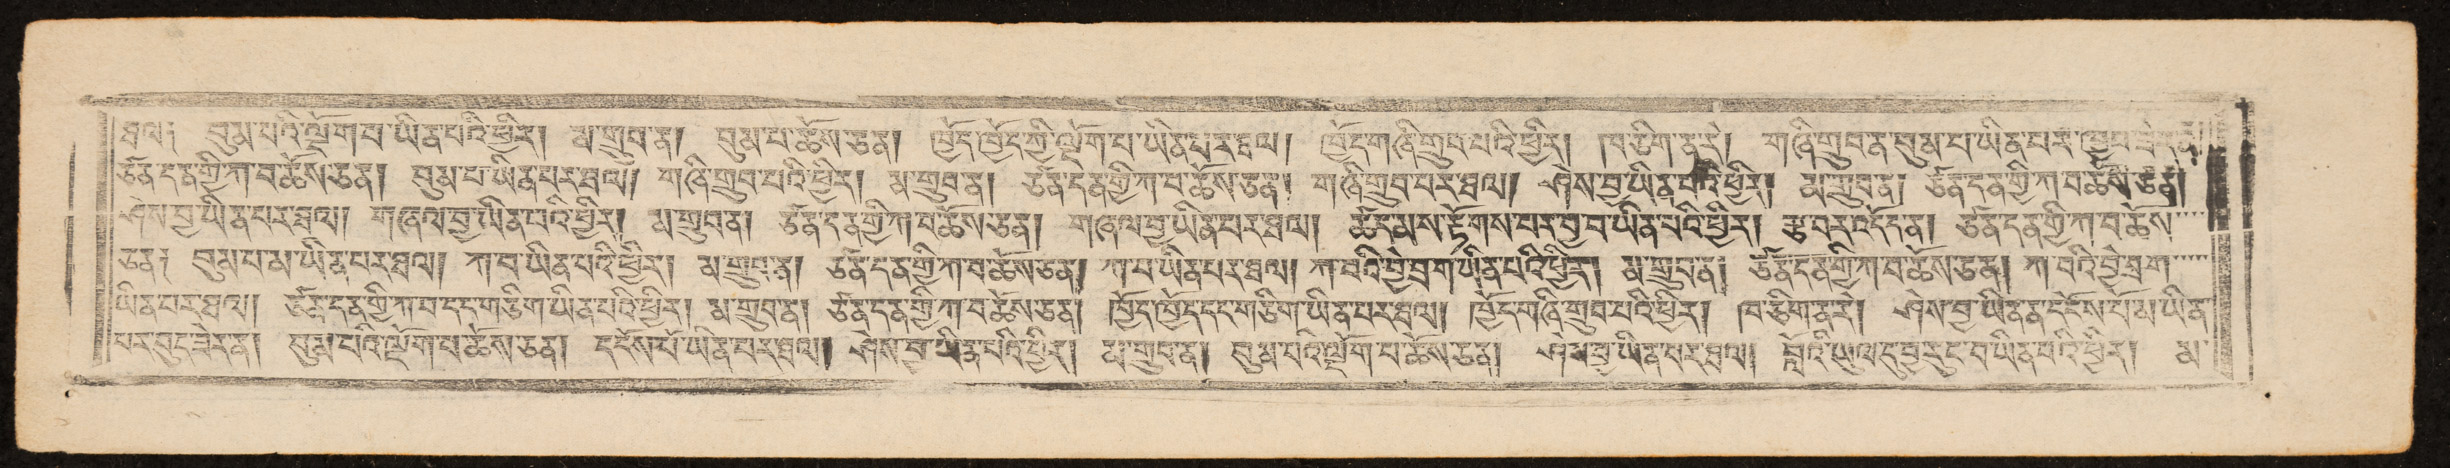ཐལ། བུམ་པའི་ལྡོག་པ་ཡིན་པའི་ཕྱིར། མ་གྲུབ་ན། བུམ་པ་ཆོས་ཅན། ཁྱོད་ཁྱོད་ཀྱི་ལྡོག་པ་ཡིན་པར་ཐལ། ཁྱོད་གཞི་གྲུབ་པའི་ཕྱིར། ཁ་ཅིག་ན་རེ། གཞི་གྲུབ་ན་བུམ་པ་ཡིན་པས་ཁྱབ་ཟེར་ན།
ཙན་དན་གྱི་ཀ་བ་ཆོས་ཅན། བུམ་པ་ཡིན་པར་ཐལ། གཞི་གྲུབ་པའི་ཕྱིར། མ་གྲུབ་ན། ཙན་དན་གྱི་ཀ་བ་ཆོས་ཅན། གཞི་གྲུབ་པར་ཐལ། ཤེས་བྱ་ཡིན་པའི་ཕྱིར། མ་གྲུབ་ན། ཙན་དན་གྱི་ཀ་བ་ཆོས་ཅན།
ཤེས་བྱ་ཡིན་པར་ཐལ། གཞལ་བྱ་ཡིན་པའི་ཕྱིར། མ་གྲུབ་ན། ཙན་དན་གྱི་ཀ་བ་ཆོས་ཅན། གཞལ་བྱ་ཡིན་པར་ཐལ། ཚད་མས་རྟོགས་པར་བྱ་བ་ཡིན་པའི་ཕྱིར། རྩ་བར་འདོད་ན། ཙན་དན་གྱི་ཀ་བ་ཆོས་
ཅན། བུམ་པ་མ་ཡིན་པར་ཐལ། ཀ་བ་ཡིན་པའི་ཕྱིར། མ་གྲུབ་ན། ཙན་དན་གྱི་ཀ་བ་ཆོས་ཅན། ཀ་བ་ཡིན་པར་ཐལ། ཀ་བའི་བྱེ་བྲག་ཡིན་པའི་ཕྱིར། མ་གྲུབ་ན། ཙན་དན་གྱི་ཀ་བ་ཆོས་ཅན། ཀ་བའི་བྱེ་བྲག་
ཡིན་པར་ཐལ། ཙན་དན་གྱི་ཀ་བ་དང་གཅིག་ཡིན་པའི་ཕྱིར། མ་གྲུབ་ན། ཙན་དན་གྱི་ཀ་བ་ཆོས་ཅན། ཁྱོད་ཁྱོད་དང་གཅིག་ཡིན་པར་ཐལ། ཁྱོད་གཞི་གྲུབ་པའི་ཕྱིར། ཁ་ཅིག་ན་རེ། ཤེས་བྱ་ཡིན་ན་དངོས་པོ་མ་ཡིན་
པར་བུད་ཟེར་ན། བུམ་པའི་ལྡོག་པ་ཆོས་ཅན། དངོས་པོ་ཡིན་པར་ཐལ། ཤེས་བྱ་ཡིན་པའི་ཕྱིར། མ་གྲུབ་ན། བུམ་པའི་ལྡོག་པ་ཆོས་ཅན། ཤེས་བྱ་ཡིན་པར་ཐལ། བློའི་ཡུལ་དུ་བྱ་རུང་བ་ཡིན་པའི་ཕྱིར། མ་